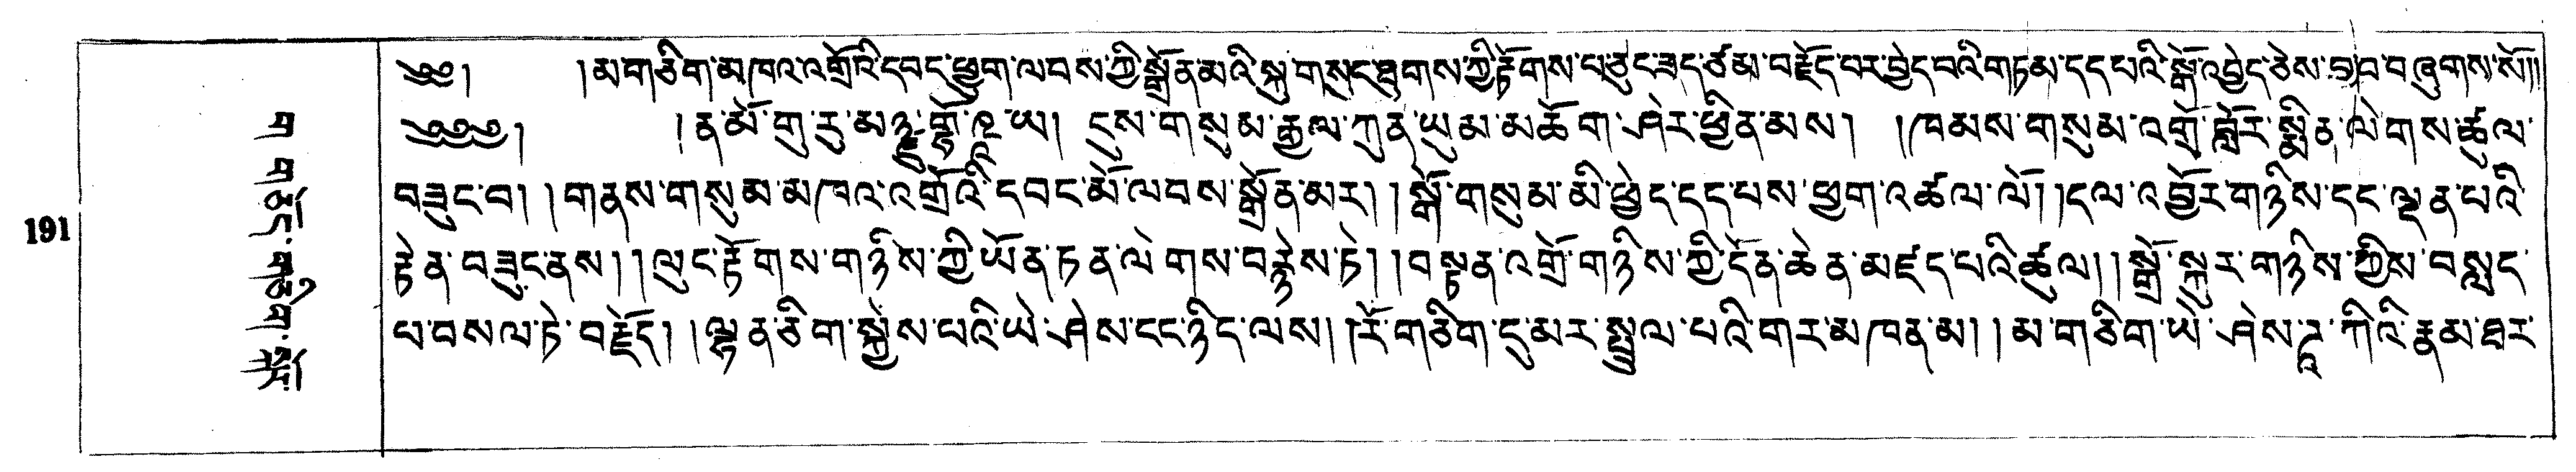༄༅། །མ་གཅིག་མཁའ་འགྲོའི་དབང་ཕྱུག་ལབས་ཀྱི་སྒྲོན་མའི་སྐུ་གསུང་ཐུགས་ཀྱི་རྟོགས་པ་ཅུང་ཟད་ཙམ་བརྗོད་པར་བྱེད་པའི་གཏམ་དད་པའི་སྒོ་འབྱེད་ཅེས་བྱ་བ་བཞུགས་སོ།།
༄༅༅། །ན་མོ་གུ་རུ་མཉྫུ་གྷོ་ཥཱ་ཡ། དུས་གསུམ་རྒྱལ་ཀུན་ཡུམ་མཆོག་ཤེར་ཕྱིན་མས། །ཁམས་གསུམ་འགྲོ་བློར་སྨིན་ལེགས་ཚུལ་
བཟུང་བ། །གནས་གསུམ་མཁའ་འགྲོའི་དབང་མོ་ལབས་སྒྲོན་མར། །སྒོ་གསུམ་མི་ཕྱེད་དད་པས་ཕྱག་འཚལ་ལོ། །དལ་འབྱོར་གཉིས་དང་ལྡན་པའི་
རྟེན་བཟུང་ནས། །ལུང་རྟོགས་གཉིས་ཀྱི་ཡོན་ཏན་ལེགས་བརྙེས་ཏེ། །བསྟན་འགྲོ་གཉིས་ཀྱི་དོན་ཆེན་མཛད་པའི་ཚུལ། །སྒྲོ་སྐུར་གཉིས་ཀྱིས་བསླད་
པ་བསལ་ཏེ་བརྗོད། །ལྷན་ཅིག་སྐྱེས་པའི་ཡེ་ཤེས་ངང་ཉིད་ལས། །རོ་གཅིག་དུ་མར་སྤྲུལ་པའི་གར་མཁན་མ། །མ་གཅིག་ཡེ་ཤེས་ཌཱ་ཀིའི་རྣམ་ཐར་